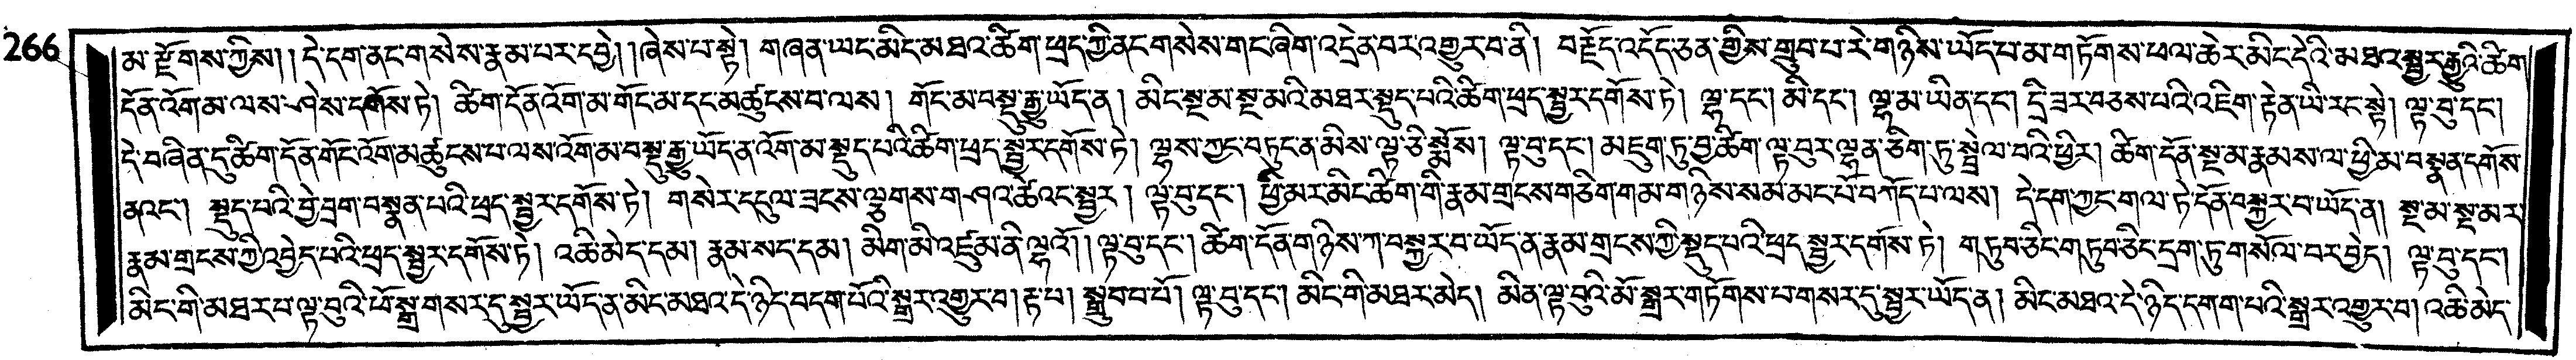མ་རྫོགས་ཀྱིས། །དེ་དག་ནང་གསེས་རྣམ་པར་དབྱེ། །ཞེས་པ་སྟེ། གཞན་ཡང་མིང་མཐའ་ཚིག་ཕྲད་ཀྱི་ནང་གསེས་གང་ཞིག་འདྲེན་བར་འགྱུར་བ་ནི། བརྗོད་འདོད་ཅན་གྱིས་གྲུབ་པ་རེ་གཉིས་ཡོད་པ་མ་གཏོགས་ཕལ་ཆེར་མིང་དེའི་མཐའ་སྦྱར་རྒྱུའི་ཚིག་
དོན་འོག་མ་ལས་ཤེས་དགོས་ཏེ། ཚིག་དོན་འོག་མ་གོང་མ་དང་མཚུངས་བ་ལས། གོང་མ་བསྡུ་རྒྱུ་ཡོད་ན། མིང་སྔ་མ་སྔ་མའི་མཐར་སྡུད་པའི་ཚིག་ཕྲད་སྦྱར་དགོས་ཏེ། ལྷ་དང་། མི་དང་། ལྷ་མ་ཡིན་དང་། དྲི་ཟར་བཅས་པའི་འཇིག་རྟེན་ཡི་རང་སྟེ། ལྟ་བུ་དང་།
དེ་བཞིན་དུ་ཚིག་དོན་གོང་འོག་མཚུངས་པ་ལས་འོག་མ་བསྡུ་རྒྱུ་ཡོད་ན་འོག་མ་སྡུད་པའི་ཚིག་ཕྲད་སྦྱར་དགོས་ཏེ། ལྷས་ཀྱང་བཏུང་ན་མིས་ལྟ་ཅི་སྨོས། ལྟ་བུ་དང་། མཇུག་ཏུ་བྱ་ཚིག་ལྟ་བུར་ལྷན་ཅིག་ཏུ་སྦྲེལ་བའི་ཕྱིར། ཚིག་དོན་སྔ་མ་རྣམས་ལ་ཕྱི་མ་བསྣན་དགོས་
ནའང་། སྡུད་པའི་བྱེ་བྲག་བསྣན་པའི་ཕྲད་སྦྱར་དགོས་ཏེ། གསེར་དངུལ་ཟངས་ལྕགས་གཤའ་ཚའང་སྦྱར། ལྟ་བུ་དང་། ཕྱི་མར་མིང་ཚིག་གི་རྣམ་གྲངས་གཅིག་ག་མ་གཉིས་སམ་མང་པོ་བཀོད་པ་ལས། དེ་དག་ཀྱང་གལ་ཏེ་དོན་བསྐྱར་བ་ཡོད་ན། སྔ་མ་སྔ་མར་
རྣམ་གྲངས་ཀྱི་འབྱེད་པའི་ཕྲད་སྦྱར་དགོས་ཏེ། འཆི་མེད་དམ། རྣམ་སད་དམ། མིག་མི་འཛུམ་ནི་ལྷའོ། །ལྟ་བུ་དང་། ཚིག་དོན་གཉིས་ཀ་བསྐྱར་བ་ཡོད་ན་རྣམ་གྲངས་ཀྱི་སྡུད་པའི་ཕྲད་དགོས་ཏེ། གཏུབ་ཅིང་གཏུབ་ཅིང་དྲག་ཏུ་གསོལ་བར་བྱེད། ལྟ་བུ་དང་།
མིང་གི་མཐར་པ་ལྟ་བུའི་ཕོ་སྒྲ་གསར་དུ་སྦྱར་ཡོད་ན་མིང་མཐའ་དེ་ཉིད་བདག་པོའི་སྒྲར་འགྱུར་བ། རྟ་པ། སྒྲུབ་བ་པོ། ལྟ་བུ་དང་། མིང་གི་མཐར་མེད། མིན་ལྟ་བུའི་མོ་སྒྲར་གཏོགས་པ་གསར་དུ་སྦྱར་ཡོད་ན། མིང་མཐའ་དེ་ཉིད་དགག་པའི་སྒྲར་འགྱུར་བ། འཆི་མེད་